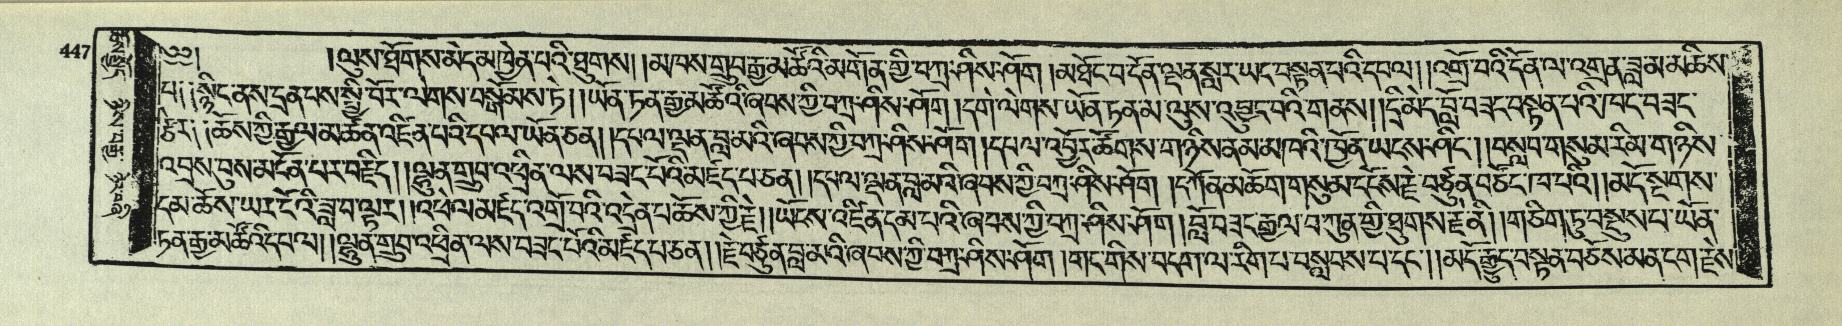༄༅། །ལུས་ཐོགས་མེད་མཁྱེན་པའི་ཐུགས། །མཁས་གྲུབ་རྒྱ་མཚོའི་མགོན་གྱི་བཀྲ་ཤིས་ཤོག །མཐོང་བ་དོན་ལྡན་སླར་ཡང་བསྟན་པའི་དཔལ། །འགྲོ་བའི་དོན་ལ་འགྲན་ཟླ་མ་མཆིས་
པ༑ ༑སྙིང་ནས་དྲན་པས་སྤྱི་བོར་ལེགས་བསྒོམས་ཏེ། །ཡོན་ཏན་རྒྱ་མཚོའི་ཞབས་ཀྱི་བཀྲ་ཤིས་ཤོག །དགེ་ལེགས་ཡོན་ཏན་མ་ལུས་འབྱུང་བའི་གནས། །དྲི་མེད་བློ་བཟང་བསྟན་པའི་ཁང་བཟང་
རྩེར༑ ༑ཆོས་ཀྱི་རྒྱལ་མཚན་འཛིན་པའི་དཔལ་ཡོན་ཅན། །དཔལ་ལྡན་བླ་མའི་ཞབས་ཀྱི་བཀྲ་ཤིས་ཤོག །དཔལ་འབྱོར་ཚོགས་གཉིས་ནམ་མཁའི་ཁྱོན་ཡངས་ཤིང་། །བསླབ་གསུམ་རིམ་གཉིས་
འབྲས་བུས་མངོན་པར་བརྗིད། །ལྷུན་གྲུབ་འཕྲིན་ལས་བཟང་པོའི་མཛད་པ་ཅན། །དཔལ་ལྡན་བླ་མའི་ཞབས་ཀྱི་བཀྲ་ཤིས་ཤོག །དཀོན་མཆོག་གསུམ་དངོས་རྗེ་བཙུན་བཙོང་ཁ་པའི། །མདོ་སྔགས་
དམ་ཆོས་ཡར་ངོའི་ཟླ་བ་ལྟར། །འཕེལ་མཛད་འགྲོ་བའི་འདྲེན་པ་ཆོས་ཀྱི་རྗེ། །ཡོངས་འཛིན་དམ་པའི་ཞབས་ཀྱི་བཀྲ་ཤིས་ཤོག །བློ་བཟང་རྒྱལ་བ་ཀུན་གྱི་ཐུགས་རྗེ་ནི། །གཅིག་ཏུ་བསྡུས་པ་ཡོན་
ཏན་རྒྱ་མཚོའི་དཔལ། །ལྷུན་གྲུབ་འཕྲིན་ལས་བཟང་པོའི་མཛད་པ་ཅན། །རྗེ་བཙུན་བླ་མའི་ཞབས་ཀྱི་བཀྲ་ཤིས་ཤོག །གང་གིས་བདག་ལ་རིག་པ་བསླབས་པ་དང་། །མདོ་རྒྱུད་བསྟན་བཅོས་མན་ངག་རྗེས་